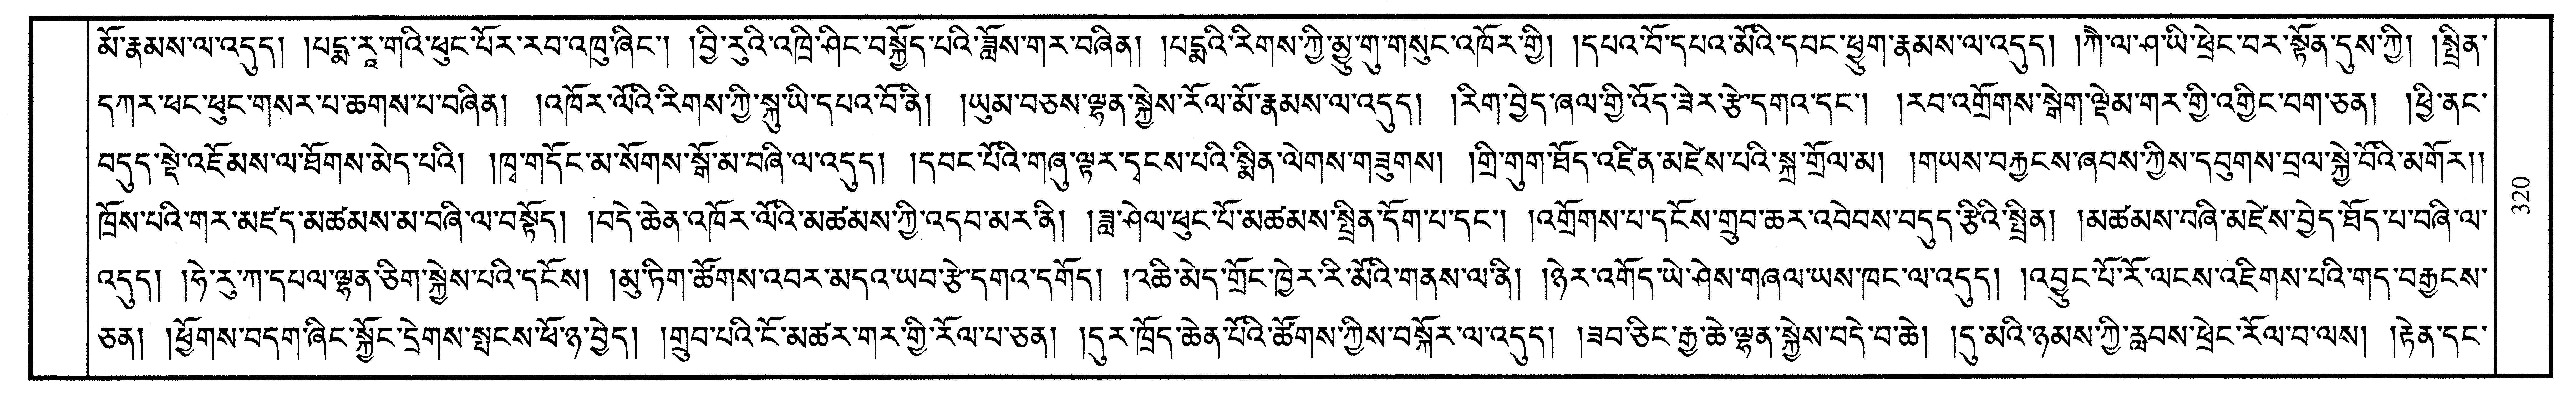མོ་རྣམས་ལ་འདུད། །པདམ་རཱ་གའི་ཕུང་པོར་རབ་འཁུ་ཞིང་། །བྱི་རུའི་འཁྲི་ཤིང་བསྐྱོད་པའི་ཟློས་གར་བཞིན། །པདམའི་རིགས་ཀྱི་མྱུ་གུ་གསུང་འཁོར་གྱི། །དཔའ་བོ་དཔའ་མོའི་དབང་ཕྱུག་རྣམས་ལ་འདུད། །ཀཻ་ལ་ཤ་ཡི་ཕྲེང་བར་སྟོན་དུས་ཀྱི། །སྤྲིན་
དཀར་ཕང་ཕུང་གསར་པ་ཆགས་པ་བཞིན། །འཁོར་ལོའི་རིགས་ཀྱིས་ཀུ་ཡི་དཔའ་བོ་ནི། །ཡུམ་བཅས་ལྷན་སྐྱེས་རོལ་མོ་རྣམས་ལ་འདུད། །རིག་བྱེད་ཞལ་གྱི་འོད་ཟེར་རྩེ་དགའ་དང་། །རབ་འགྲོགས་སྒེག་ལྡེམ་གར་གྱི་འགྱིང་བག་ཅན། །ཕྱི་ནང་
བདུད་སྡེ་འཇོམས་ལ་ཐོགས་མེད་པའི། །ཁྭ་གདོང་མ་སོགས་སྒོ་མ་བཞི་ལ་འདུད། །དབང་པོའི་གཞུ་ལྟར་དྭངས་པའི་སྨིན་ལེགས་གཟུགས། །གྲི་གུག་ཐོད་འཛིན་མཛེས་པའི་སྐྲ་གྲོལ་མ། །གཡས་བརྐྱངས་ཞབས་ཀྱིས་དབུགས་བྲལ་སྐྱེ་བོའི་མགོར། །
ཁྲོས་པའི་གར་མཛད་མཚམས་མ་བཞི་ལ་བསྟོད། །བདེ་ཆེན་འཁོར་ལོའི་མཚམས་ཀྱི་འདབ་མར་ནི། །ཟླ་ཤེལ་ཕུང་པོ་མཚམས་སྤྲིན་དོག་པ་དང་། །འགྲོགས་པ་དངོས་གྲུབ་ཆར་འབེབས་བདུད་རྩིའི་སྤྲིན། །མཚམས་བཞི་མཛེས་བྱེད་ཐོད་པ་བཞི་ལ་
འདུད། །ཧེ་རུ་ཀ་དཔལ་ལྷན་ཅིག་སྐྱེས་པའི་དངོས། །མུ་ཏིག་ཚོགས་འབར་མདའ་ཡབ་རྩེ་དགའ་དགོད། །འཆི་མེད་གྲོང་ཁྱེར་རི་མོའི་གནས་ལ་ནི། །ཉེར་འགོད་ཡེ་ཤེས་གཞལ་ཡས་ཁང་ལ་འདུད། །འབྱུང་པོ་རོ་ལངས་འཇིགས་པའི་གད་བརྒྱངས་
ཅན། །ཕྱོགས་བདག་ཞིང་སྐྱོང་དྲེགས་སྤངས་ཕོ་ཉ་བྱེད། །གྲུབ་པའི་ངོ་མཚར་གར་གྱི་རོལ་པ་ཅན། །དུར་ཁྲོད་ཆེན་པོའི་ཚོགས་ཀྱིས་བསྐོར་ལ་འདུད། །ཟབ་ཅིང་རྒྱ་ཆེ་ལྷན་སྐྱེས་བདེ་བ་ཆེ། །དུ་མའི་ཉམས་ཀྱི་རླབས་ཕྲེང་རོལ་བ་ལས། །རྟེན་དང་